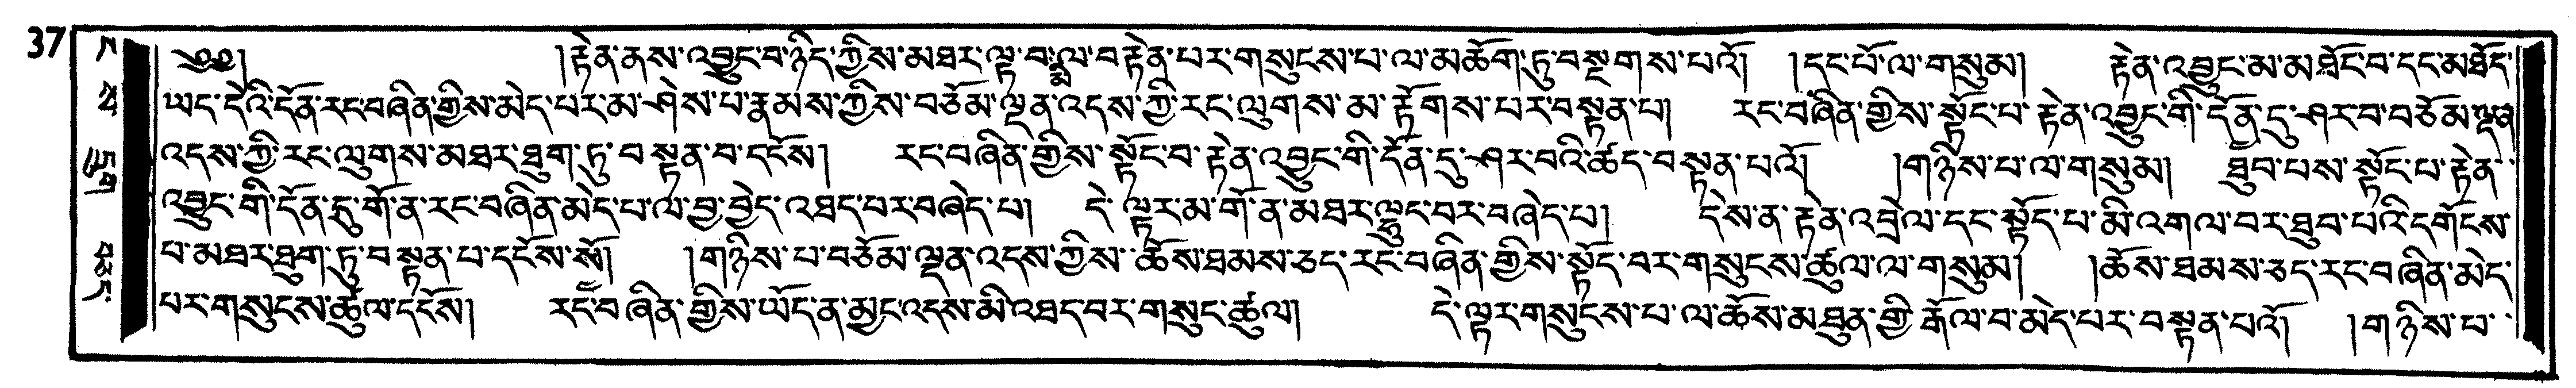༄༅། །རྟེན་ནས་འབྱུང་བ་ཉིད་ཀྱིས་མཐར་ལྟ་བ་མི་ལ་བརྟེན་པར་གསུངས་པ་ལ་མཆོག་ཏུ་བསྔགས་པའོ། །དང་པོ་ལ་གསུམ། རྟེན་འབྱུང་མ་མཐོང་བ་དང་མཐོད་
ཡང་དེའི་དོན་རང་བཞིན་གྱིས་མེད་པར་མ་ཤེས་པ་རྣམས་ཀྱིས་བཅོམ་ལྡན་འདས་ཀྱི་རང་ལུགས་མ་རྟོགས་པར་བསྟན་པ། རང་བཞིན་གྱིས་སྟོང་པ་རྟེན་འབྱུང་གི་དོན་དུ་ཤར་བ་བཅོམ་ལྡན་
འདས་ཀྱི་རང་ལུགས་མཐར་ཐུག་ཏུ་བསྟན་བ་དངོས། རང་བཞིན་གྱིས་སྟོང་བ་རྟེན་འབྱུང་གི་དོན་དུ་ཤར་བའི་ཚད་བསྟན་པའོ། །གཉིས་པ་ལ་གསུམ། ཐུབ ༤་པས་སྟོང་པ་རྟེན་
འབྱུང་གི་དོན་དུ་གོ་ན་རང་བཞིན་མེད་པ་ལ་བྱ་བྱེད་འཐད་པར་བཞེད་པ། དེ་ལྟར་མ་གོ་ན་མཐར་ལྷུང་བར་བཞེད་པ། དེས་ན་རྟེན་འབྲེལ་དང་སྟོད་པ་མི་འགལ་བར་ཐུབ་པའི་དགོངས་
པ་མཐར་ཐུག་ཏུ་བསྟན་པ་དངོས་སོ། །གཉིས་པ་བཅོམ་ལྡན་འདས་ཀྱིས་ཆོས་ཐམས་ཅད་རང་བཞིན་གྱིས་སྟོད་བར་གསུངས་ཚུལ་ལ་གསུམ། །ཆོས་ཐམས་ཅད་རང་བཞིན་མེད་
པར་གསུངས་ཚུལ་དངོས། རང ༤་བཞིན་གྱིས་ཡོད་ན་མྱང་འདས་མི་འཐད་བར་གསུང་ཚུལ། དེ་ལྟར་གསུངས་པ་ལ་ཆོས་མཐུན་གྱི་རྒོལ་བ་མེད་པར་བསྟན་པའོ། །གཉིས་པ་